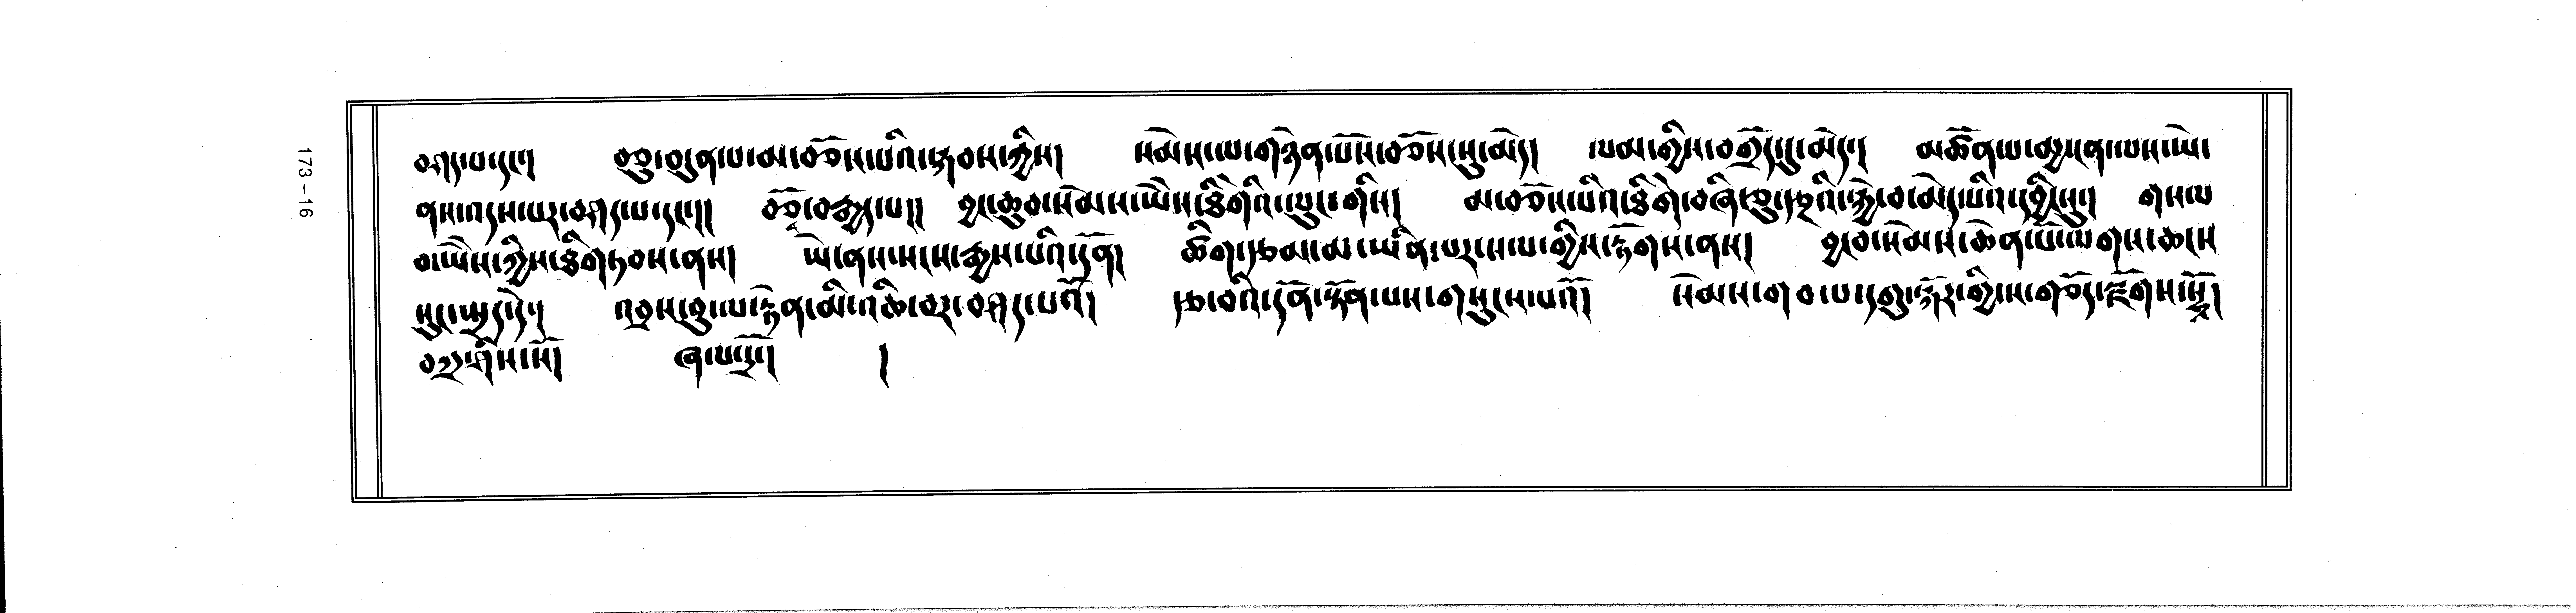བཤད་པ་དང་། བཅུ་བདུན་པ་མ་བཅོས་པའི་སྐབས་ཀྱིས། སེམས་ལ་གཉེན་པོས་བཅོས་སུ་མེད། ལམ་གྱིས་བགྲོད་དུ་མེད། མཚོན་པ་མྱ་ངན་ལས་ཡེ་
ནས་འདས་པར་བཤད་པ་དང་། བཅོ་བརྒྱད་པ། བྱང་ཆུབ་སེམས་ཡེ་ཤེས་ཐིག་ལེའི་ལུང་གིས། མ་བཅོས་པའི་ཐིག་ལེ་བཞི་བཅུ་རྩ་ལྔའི་སྐྱེ་བ་མེད་པའི་དབྱིངས་སུ། གསལ་
བ་ཡེ་ཤེས་ཀྱི་ཐིག་བཏབ་ནས། ཡེ་ནས་སངས་རྒྱས་པའི་དོན། ཚིག་ཙམ་མ་ཡིན་པར་སལ་གྱིས་རྟོགས་ནས། བྱང་ཆུབ་སེམས་ཆེན་པོ་ལག་འཆང་
སུ་སྤྲད་དེ། འབྲས་བུ་ལ་རྟེན་མི་འཆའ་བར་བཤད་པའོ། །རྩ་བའི་དོན་སྟོན་པས་གསུངས་པའོ། །སེམས་གབ་པ་དགུ་སྐོར་གྱི་གཅོད་རྫོགས་སྷཱོ། །
བཀྲ་ཤིས་སོ། ཞལ་དྲོ། །